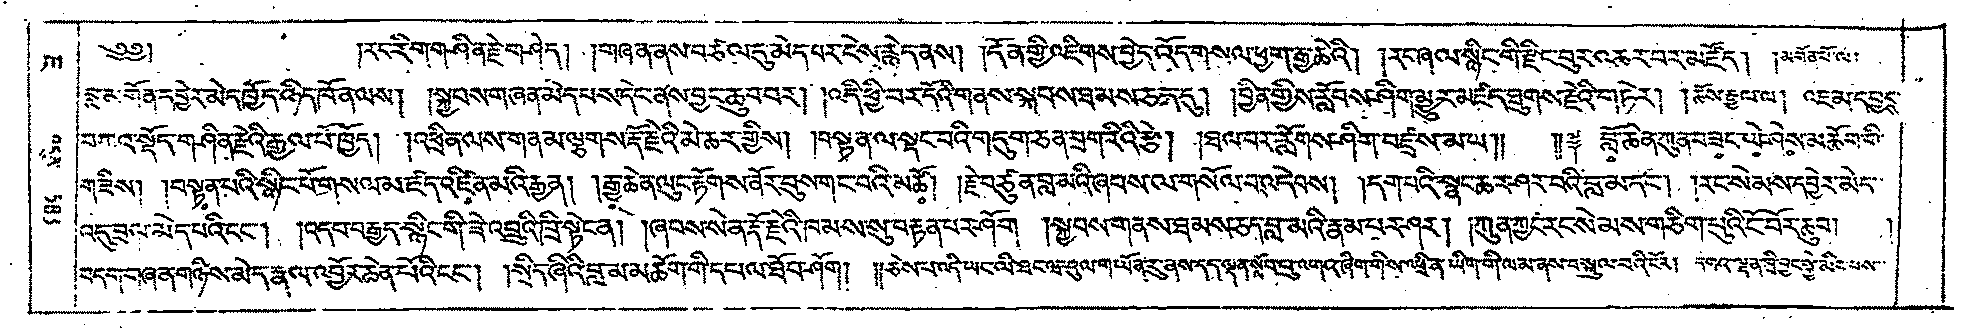༄༅། །རང་རིག་གཤིན་རྗེ་གཤེད། །གཞན་ནས་བཙལ་དུ་མེད་པར་ངེས་རྙེད་ནས། །དོན་གྱི་འཇིགས་བྱེད་འོད་གསལ་ཕྱག་རྒྱ་ཆེའི། །རང་ཞལ་སྙིང་གི་རྫིང་བུར་འཆར་བར་མཛོད། ། མགོན་པོ་ལ།
བླ་མགོན་དབྱེར་མེད་ཁྱོད་ཉིད་ཁོ་ན་ལས། །སྐྱབས་གཞན་མེད་པས་དེང་ནས་བྱང་ཆུབ་པར། །འདི་ཕྱི་བར་དོའི་གནས་སྐབས་ཐམས་ཅད་དུ། །བྱིན་གྱིས་རློབས་ཤིག་མྱུར་མཛད་ཐུགས་རྗེའི་གཏེར། ། ཆོས་རྒྱལ་ལ།  འཇམ་དབྱངས་
བཀའ་སྡོད་གཤིན་རྗེའི་རྒྱལ་པོ་ཁྱོད། །འཕྲིན་ལས་གནམ་ལྕགས་རྡོ་རྗེའི་མེ་ཆར་གྱིས། །བསྟན་ལ་སྡང་བའི་གདུག་ཅན་བྲག་རིའི་རྩེ། །ཐལ་བར་རློགས་ཤིག་བཛྲ་ས་མ་ཡ།། །། ༈ བློ྾་ཆེན་ཀུན་བཟང྾་ཡེ྾་ཤེས྾་མཆོག་གི་
གཟིས༑ ༑བསྟན྾་པའི་སྙིང་པོ་གསལ་མཛད་འཛིན྾་མའི་རྒྱན། །རྒྱ྾་ཆེན་ལུང་རྟོགས་ནོར་བུས་གང་བའི་མཚོ྾། །རྗེ་བཙུན་བླ་མའི་ཞབས་ལ་གསོལ་བ་འདེབས། །དག་པའི་སྣང་ཆར་ཤར་བའི་བླ་མ་དང་། །རང་སེམས་དབྱེར་མེད་
འདུ་བྲལ་མེད་པའི་ངང་། །འདབ་བརྒྱད་སྙིང་གི་ཟེ་འབྲུའི་ཁྲི་སྟེང་ན། །ཞབས་སེན་རྡོ་རྗེའི་ཁམས་སུ་བརྟན་པར་ཤོག །སྐྱབས་གནས་ཐམས་ཅད་བླ་མའི་རྣམ་པར་ཤར། །ཀུན་ཀྱང་རང་སེམས་གཅིག་པུའི་ངོ་བོར་ཆུབ། །
བདག་གཞན་གཉིས་མེད་རྣལ་འབྱོར་ཆེན་པོའི་ངང་། །སྲིད་ཞིའི་བླ་མ་མཆོག་གི་དཔལ་ཐོབ་ཤོག ། །།ཅེས་པ་འདི་ཡང་ལི་ཐང་ཝ་ཤུལ་གཡོན་རུ་ནས་དད་ལྡན་སློབ་བུ་འགའ་ཞིག་གིས་འཕྲིན་ཡིག་གི་ལམ་ནས་བསྐུལ་བའི་ངོར། དགའ་ལྡན་ཁྲི་བྱང་སྐྱེ་མིང་པས་